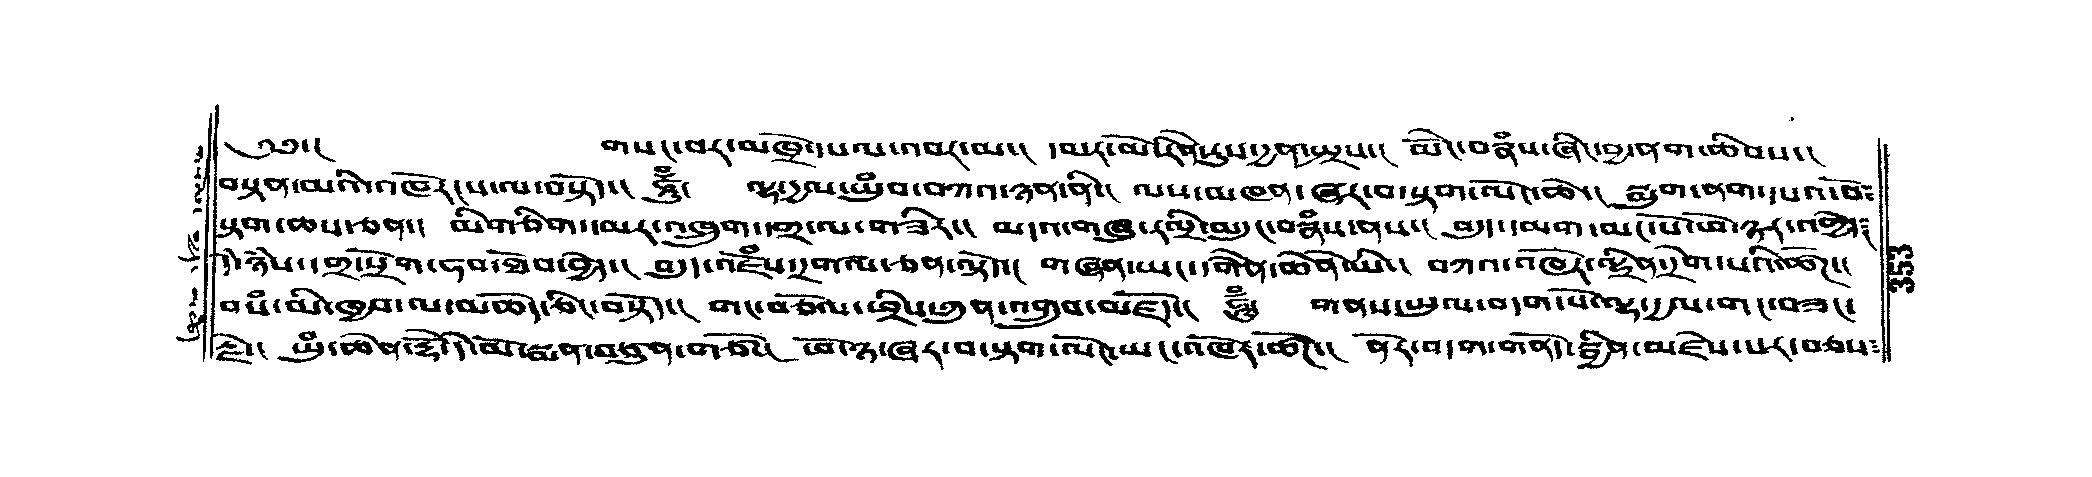གསང་བར་མཁའ་འགྲོ་དཔལ་འབར་མ། །དམར་མོ་རིན་ཆེན་རུས་རྒྱན་སྤྲས། །མེ་ལོང་བསྣམས་ཞིང་བྱ་ནག་ཆིབས། །
བསྟན་མའི་འཁོར་དང་བཅས་ལ་བསྟོད། ། ཧཱུྂ། ལྷ་རྒྱལ་ཡབ་ཡུམ་བཀའ་ཉན་ནི། །ལས་མཁན་ཞར་བ་སྟག་ལོང་ཚེ། །སྨུག་ནག་དཔའ་བོ་
སྟག་ཆས་ཅན། །མི་གཅིག་དམར་འཁྲུག་དགྲ་ལ་གཟིགས། །མདའ་གཞུ་རལ་གྲི་མདུང་བསྣམས་ནས། །བདུད་དམག་མང་པོ་ཕོ་ཉར་འགྱེད། །
དམ་ཉམས་དགྲ་སྲོག་ཧབ་ཐོབ་བྱེད། །བདུད་འཇོམས་དྲག་རྩལ་ཅན་ལ་བསྟོད། །གཞན་ཡང་དགེ་ཆེན་ཆེན་པོ་ཡི། །བཀའ་འཁོར་ལྷ་སྲིན་དྲེགས་པའི་ཚོགས། །
བསམ་མི་ཁྱབ་ལ་མཆོད་ཅིང་བསྟོད། །གང་བཅོལ་ཕྲིན་ལས་ཀུན་འགྲུབ་མཛོད། །ཧཱུྂ།གནས་ཡུལ་བདག་པོ་ལྷ་རྒྱལ་གང་བཟང་
རྗེ། །ཡུམ་ཆེན་རྡོ་རྗེ་དེ་མོ་སྨན་བཙུན་གཙོ། །ཕོ་ཉ་ཞར་བ་སྟག་ལོང་ཡང་འཁོར་ཚོགས། །ནོར་བདག་གནོད་སྦྱིན་མཛེས་པར་བཅས་ལ་བསྟོད